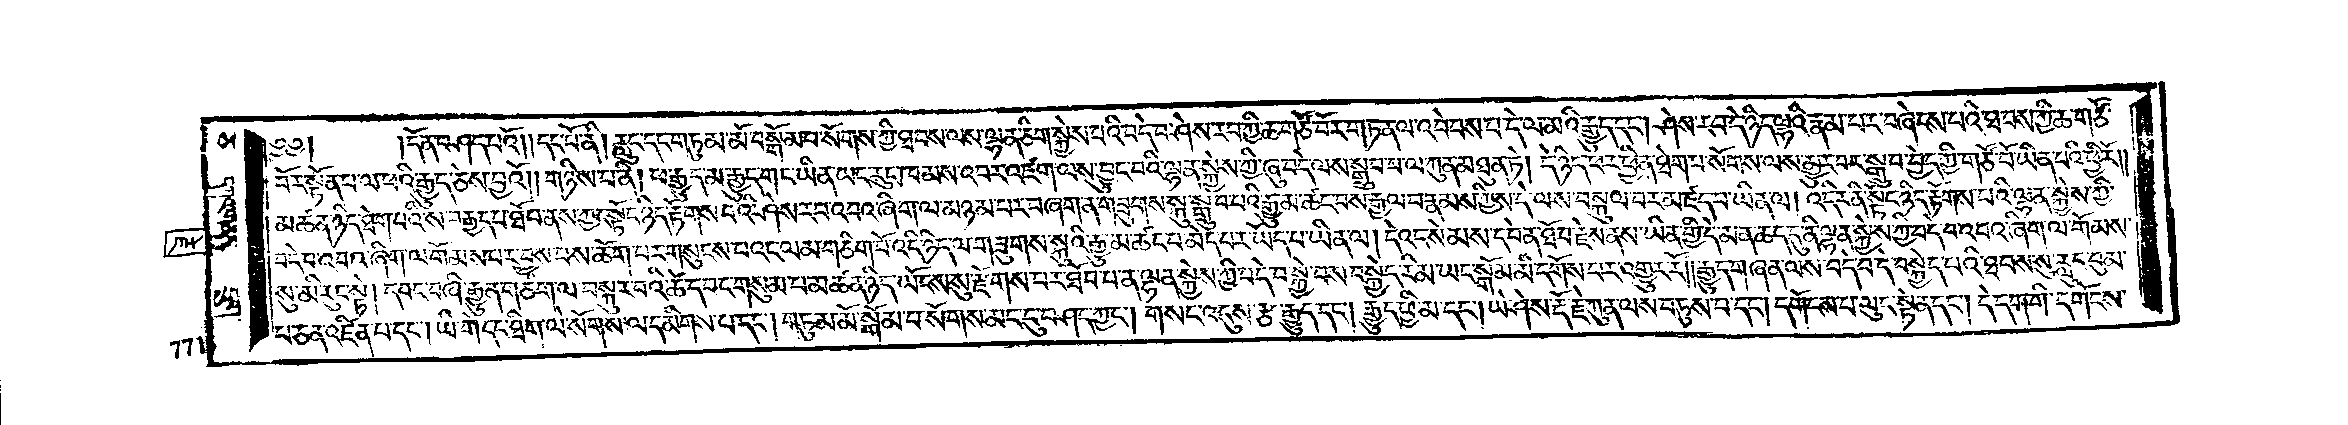༄༅། །དོན་བཤད་པའོ། །དང་པོ་ནི། རླུང་དང་གཏུམ་མོ་བསྒོམ་པ་སོགས་ཀྱི་ཐབས་ལས་ལྷན་ཅིག་སྐྱེས་པའི་བདེ་བ་ཤེས་རབ་ཀྱི་ཆ་གཙོ་བོར་གཏན་ལ་འབེབས་པ་དེ་ལ་མའི་རྒྱུད་དང་། ཤེས་རབ་དེ་ཉིད་ལྷའི་རྣམ་པར་བཞེངས་པའི་ཐབས་ཀྱི་ཆ་གཙོ་
བོར་སྟོན་པ་ལ་ཕའི་རྒྱུད་ཅེས་བྱའོ། །གཉིས་པ་ནི། ཕ་རྒྱུད་མ་རྒྱུད་གང་ཡིན་ཡང་རུང་ཁམས་འབར་འཛག་ལས་བྱུང་བའི་ལྷན་སྐྱེས་ཀྱི་ཞུ་བདེ་ལས་སྒྲུབ་པ་ལ་ཀུན་མཐུན་ཏེ། དེ་ཉིད་ཕར་ཕྱིན་ཐེག་པ་སོགས་ལས་མྱུར་བར་སྒྲུབ་བྱེད་ཀྱི་གཙོ་བོ་ཡིན་པའི་ཕྱིར་རོ། །
མཚན་ཉིད་ཐེག་པའི་ས་བརྒྱད་པ་ཐོབ་ནས་ཀྱང་སྟོང་ཉིད་རྟོགས་པའི་ཤེས་རབ་འབའ་ཞིག་ལ་མཉམ་པར་བཞག་ན་གཟུགས་སྐུ་སྒྲུབ་པའི་རྒྱུ་མ་ཚང་བས་རྒྱལ་བ་རྣམས་ཀྱིས་དེ་ལས་བསྐུལ་བར་མཛད་པ་ཡིན་ལ། འདིར་ནི་སྟོང་ཉིད་རྟོགས་པའི་ལྷན་སྐྱེས་ཀྱི་
བདེ་བ་འབའ་ཞིག་ལ་གོམས་པར་བྱས་པས་ཆོག་པར་གསུངས་པའང་ལམ་གཅིག་པོ་འདི་ཉིད་ལ་གཟུགས་སྐུའི་རྒྱུ་མ་ཚང་བ་མེད་པར་ཡོད་པ་ཡིན་ལ། དེའང་སེམས་དབེན་ཐོབ་རྗེས་ནས་ཡིན་གྱི་དེ་མན་ཆད་དུ་ནི་ལྷན་སྐྱེས་ཀྱི་བདེ་བ་འབའ་ཞིག་ལ་གོམས་
སུ་མི་རུང་སྟེ། དབང་བཞི་རྒྱུན་གཅིག་ལ་བསྐུར་བའི་ཚེ་དབང་གསུམ་པ་མཚན་ཉིད་ཡོངས་སུ་རྫོགས་པར་ཐོབ་པ་ན་ལྷན་སྐྱེས་ཀྱི་བདེ་བ་སྐྱེ་བས་བསྐྱེད་རིམ་ཡང་སྒོམ་མི་དགོས་པར་འགྱུར་རོ། །རྒྱུད་གཞན་ལས་བདེ་བ་དེ་བསྐྱེད་པའི་ཐབས་སུ་རླུང་བུམ་
པ་ཅན་འཛིན་པ་དང་། ཡི་གེ་དང་ཐིག་ལེ་སོགས་ལ་དམིགས་པ་དང་། གཏུམ་མོ་སྒོམ་པ་སོགས་མང་དུ་བཤད་ཀྱང་། གསང་འདུས་རྩ་རྒྱུད་དང་། རྒྱུད་ཕྱི་མ་དང་། ཡེ་ཤེས་རྡོ་རྗེ་ཀུན་ལས་བཏུས་པ་དང་། དགོངས་པ་ལུང་སྟེན་དང་། དེ་དག་གི་དགོངས་